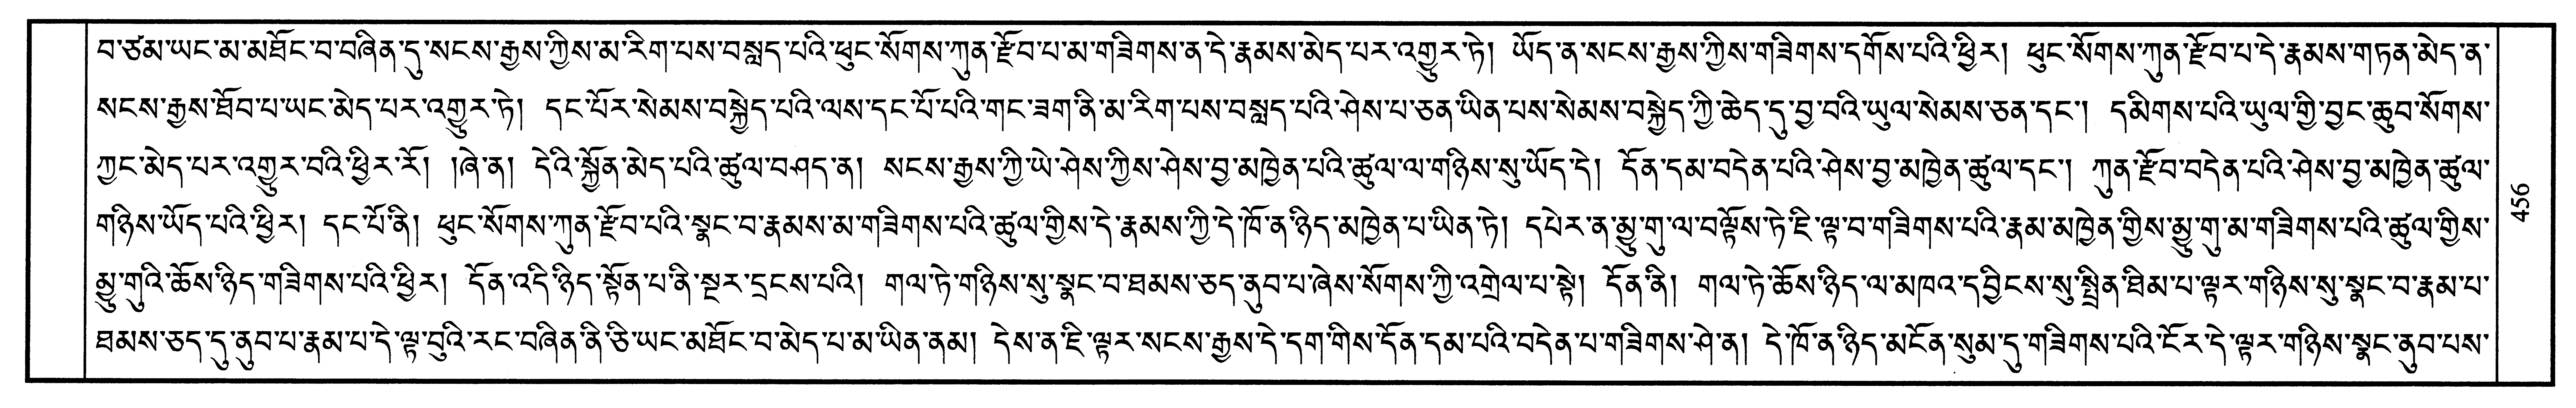བ་ཙམ་ཡང་མ་མཐོང་བ་བཞིན་དུ་སངས་རྒྱས་ཀྱིས་མ་རིག་པས་བསླད་པའི་ཕུང་སོགས་ཀུན་རྫོབ་པ་མ་གཟིགས་ན་དེ་རྣམས་མེད་པར་འགྱུར་ཏེ། ཡོད་ན་སངས་རྒྱས་ཀྱིས་གཟིགས་དགོས་པའི་ཕྱིར། ཕུང་སོགས་ཀུན་རྫོབ་པ་དེ་རྣམས་གཏན་མེད་ན་
སངས་རྒྱས་ཐོབ་པ་ཡང་མེད་པར་འགྱུར་ཏེ། དང་པོར་སེམས་བསྐྱེད་པའི་ལས་དང་པོ་པའི་གང་ཟག་ནི་མ་རིག་པས་བསླད་པའི་ཤེས་པ་ཅན་ཡིན་པས་སེམས་བསྐྱེད་ཀྱི་ཆེད་དུ་བྱ་བའི་ཡུལ་སེམས་ཅན་དང་། དམིགས་པའི་ཡུལ་གྱི་བྱང་ཆུབ་སོགས་
ཀྱང་མེད་པར་འགྱུར་བའི་ཕྱིར་རོ། །ཞེ་ན། དེའི་སྐྱོན་མེད་པའི་ཚུལ་བཤད་ན། སངས་རྒྱས་ཀྱི་ཡེ་ཤེས་ཀྱིས་ཤེས་བྱ་མཁྱེན་པའི་ཚུལ་ལ་གཉིས་སུ་ཡོད་དེ། དོན་དམ་བདེན་པའི་ཤེས་བྱ་མཁྱེན་ཚུལ་དང་། ཀུན་རྫོབ་བདེན་པའི་ཤེས་བྱ་མཁྱེན་ཚུལ་
གཉིས་ཡོད་པའི་ཕྱིར། དང་པོ་ནི། ཕུང་སོགས་ཀུན་རྫོབ་པའི་སྣང་བ་རྣམས་མ་གཟིགས་པའི་ཚུལ་གྱིས་དེ་རྣམས་ཀྱི་དེ་ཁོ་ན་ཉིད་མཁྱེན་པ་ཡིན་ཏེ། དཔེར་ན་མྱུ་གུ་ལ་བལྟོས་ཏེ་ཇི་ལྟ་བ་གཟིགས་པའི་རྣམ་མཁྱེན་གྱིས་མྱུ་གུ་མ་གཟིགས་པའི་ཚུལ་གྱིས་
མྱུ་གུའི་ཆོས་ཉིད་གཟིགས་པའི་ཕྱིར། དོན་འདི་ཉིད་སྟོན་པ་ནི་སྔར་དྲངས་པའི། གལ་ཏེ་གཉིས་སུ་སྣང་བ་ཐམས་ཅད་ནུབ་པ་ཞེས་སོགས་ཀྱི་འགྲེལ་པ་སྟེ། དོན་ནི། གལ་ཏེ་ཆོས་ཉིད་ལ་མཁའ་དབྱིངས་སུ་སྤྲིན་ཐིམ་པ་ལྟར་གཉིས་སུ་སྣང་བ་རྣམ་པ་
ཐམས་ཅད་དུ་ནུབ་པ་རྣམ་པ་དེ་ལྟ་བུའི་རང་བཞིན་ནི་ཅི་ཡང་མཐོང་བ་མེད་པ་མ་ཡིན་ནམ། དེས་ན་ཇི་ལྟར་སངས་རྒྱས་དེ་དག་གིས་དོན་དམ་པའི་བདེན་པ་གཟིགས་ཤེ་ན། དེ་ཁོ་ན་ཉིད་མངོན་སུམ་དུ་གཟིགས་པའི་ངོར་དེ་ལྟར་གཉིས་སྣང་ནུབ་པས་